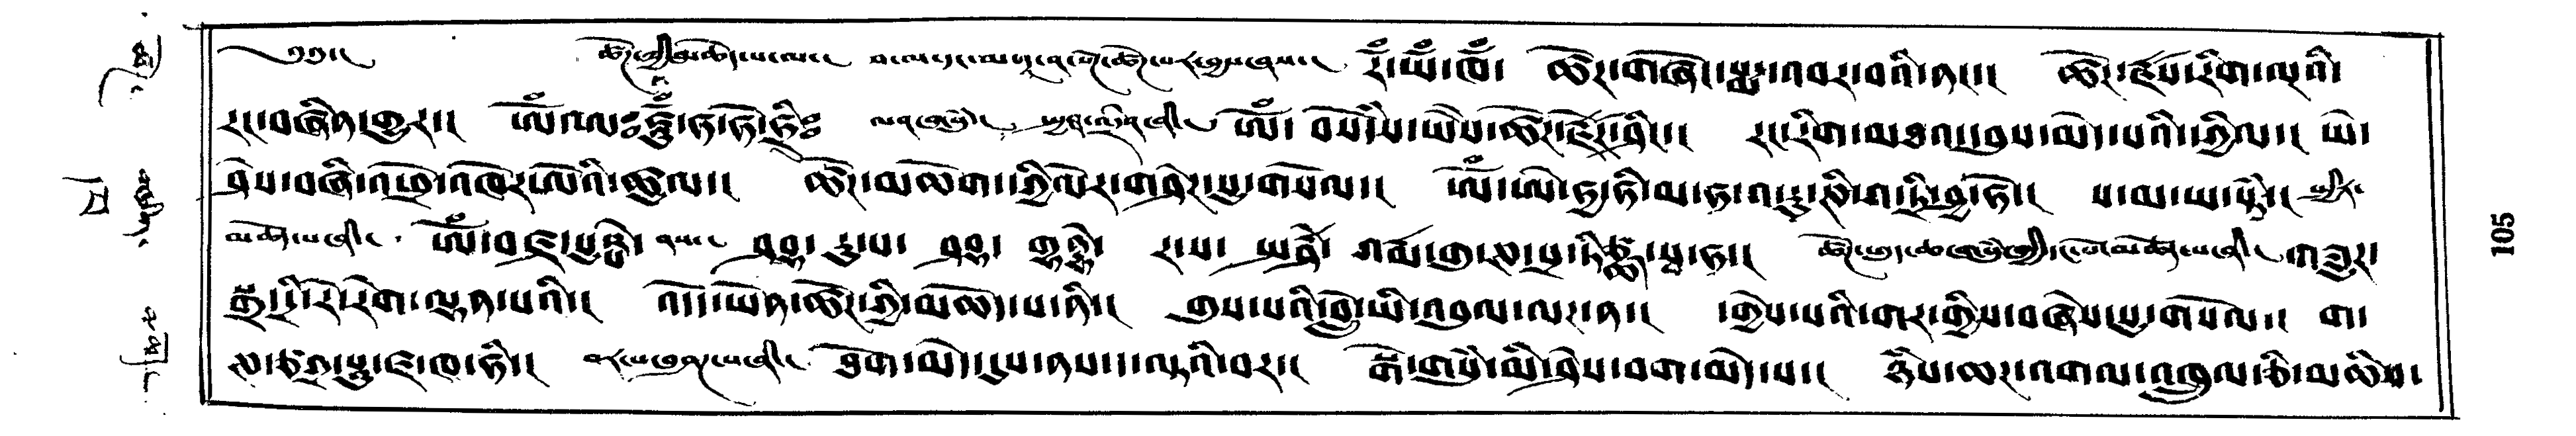ཚོགས་ཀྱི་མཆོད་པ་ལ། བཱ་ལ་དང་མ་དཱ་ན་སོགས་ཚོགས་པར་བྱས་ནས། རྃ་ཡྃ་ཁྃ། ཚོགས་གཞོང་པདྨ་འབར་བའི་ནང་། ཚོགས་རྫེས་རིགས་ལྔའི་
རང་བཞིན་གྱུར། །ཨོཾ་ཨཿཧཱུྃ་ཧ་ཧོ་ཧྲཱིཿ ལན་གསུམ། སྤྱན་འདྲེན་ནི། ཨོཾ། བསོད་ནམས་ཡེ་ཤེས་ཚོགས་རྫོགས་ཤིང་། །རང་རིག་མཐའ་དབུས་མེད་པའི་དཀྱིལ། །ཡེ་
ཤེས་བཞི་འཕྲོ་འཁོར་ལོའི་ཚུལ། །ཚོགས་མཆོག་དཀྱིལ་འཁོར་གཤེགས་སུ་གསོལ། །ཨོཾ་ཨེ་ཧྱ་ཧི་མ་ཧ་མ་འ་རུ་ཎི་ཀ་ཤྱ་ཧོ། ས་མ་ཡ་སྟམ། སྤྱིར་
མཆོད་པ་ནི། ཨོཾ་བཛྲ་པུཥྤེ། ནས། ཤབྡ། རུ་ས། ཤབྟ། གྷནདྷེ། ར་པ། སྤརྴེ། ཀ་མ་གུ་ཎ་པྲ་ཏིཙྪ་སྭ་ཧ། ཚོགས་ཕུད་ཆ་གསུམ་གྱི་དང་པོ་མཆོད་པ་ནི། གཟུགས་
སྒྲ་དྲི་རོ་རེག་ལྡན་པའི། །འདོད་ཡོན་ཚོགས་ཀྱི་མཆོད་པ་ནི། །གུས་པའི་བློ་ཡི་འབུལ་ལགས་ན། །དགྱེས་པའི་གར་གྱིས་བཞེས་སུ་གསོལ། །ག་
ཎ་ཙཀྲ་པཱུ་ཛ་ཁ་ཧི། བར་པ་བཤགས་པ་ནི། ཐོག་མེད་དུས་ནས་ད་ལྟའི་བར། །སྒོ་གསུམ་མི་ཤེས་བག་མེད་པས། །ཉམས་ཆགས་འགལ་འཁྲུལ་ཅི་མཆིས་